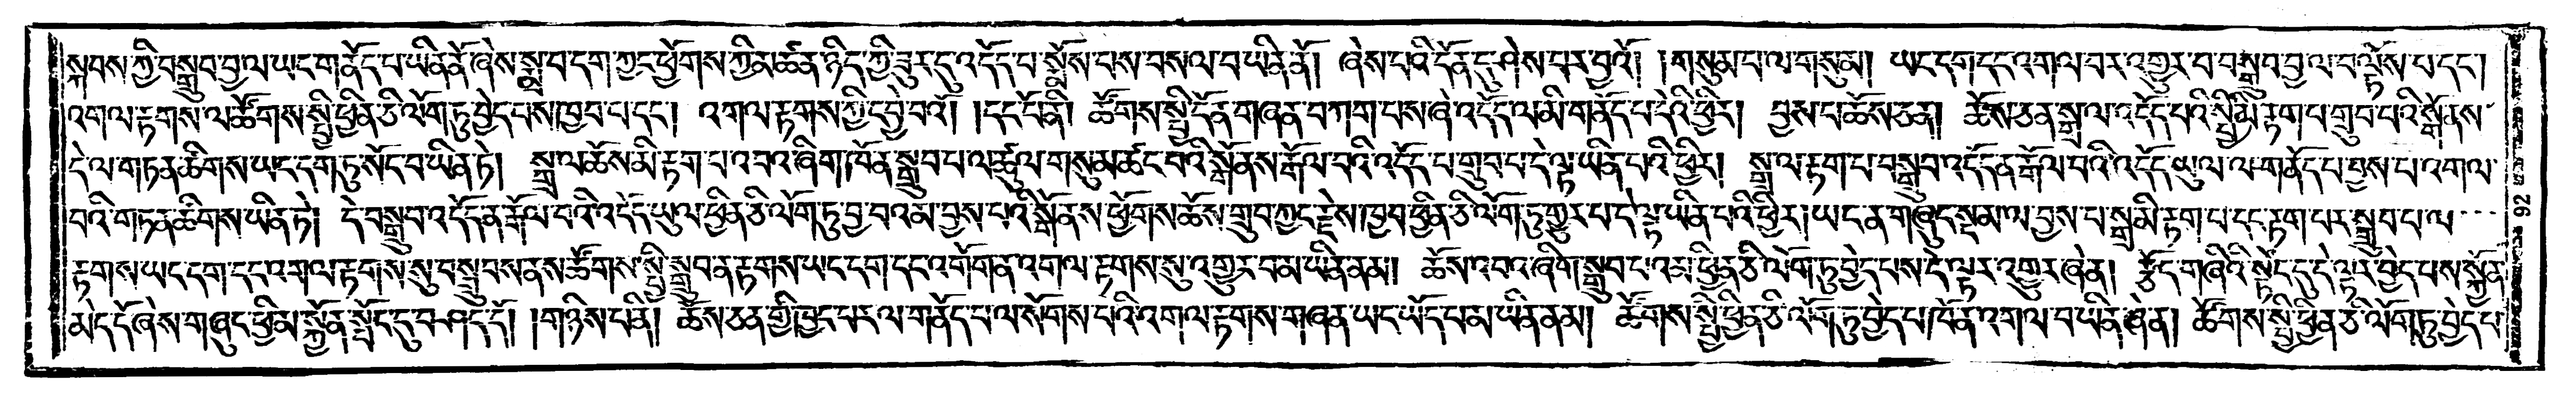སྐབས་ཀྱི་བསྒྲུབ་བྱ་ལ་ཡང་གནོད་པ་ཡིན་ནོ་ཞེས་སྨྲ་བ་དག་ཀྱང་ཕྱོགས་ཀྱི་མཚན་ཉིད་ཀྱི་ཟུར་དུ་འདོད་པ་སྨོས་པས་བསལ་བ་ཡིན་ནོ། ཞེས་པའི་དོན་དུ་ཤེས་པར་བྱའོ། །གསུམ་པ་ལ་གསུམ། ཡང་དག་དང་འགལ་བར་འགྱུར་བ་བསྒྲུབ་བྱ་ལ་བལྟས་པ་དང་།
འགལ་རྟགས་ལ་ཚོགས་སྤྱི་ཕྱིན་ཅི་ལོག་ཏུ་བྱེད་པས་ཁྱབ་པ་དང་། འགལ་རྟགས་ཀྱི་དབྱེ་བའོ། །དང་པོ་ནི། ཚོགས་སྤྱི་དོན་གཞན་བཀག་པས་ཞེ་འདོད་ལ་མི་གནོད་པ་དེའི་ཕྱིར། བྱས་པ་ཆོས་ཅན། ཆོས་ཅན་སྒྲ་ལ་འདོད་པའི་སྤྱི་མི་རྟག་པ་གྲུབ་པའི་སྒོ་ནས་
དེ་ལ་གཏན་ཚིགས་ཡང་དག་ཏུ་སོང་བ་ཡིན་ཏེ། སྒྲ་ལ་ཆོས་མི་རྟག་པ་འབའ་ཞིག་ཁོ་ན་སྒྲུབ་པ་ལ་ཚུལ་གསུམ་ཚང་བའི་སྒོ་ནས་རྒོལ་བའི་འདོད་པ་གྲུབ་པ་དེ་ལྟ་ཡིན་པའི་ཕྱིར། སྒྲ་ལ་རྟག་པ་བསྒྲུབ་འདོད་ན་རྒོལ་བའི་འདོད་ཡུལ་ལ་གནོད་པ་བྱས་པ་འགལ་
བའི་གཏན་ཚིགས་ཡིན་ཏེ། དེ་བསྒྲུབ་འདོད་ན་རྒོལ་བའི་འདོད་ཡུལ་ཕྱིན་ཅི་ལོག་ཏུ་བྱ་བའམ་བྱས་པའི་སྒོ་ནས་ཕྱོགས་ཆོས་གྲུབ་ཀྱང་རྗེས་ཁྱབ་ཕྱིན་ཅི་ལོག་ཏུ་གྱུར་པ་དེ་ལྟ་ཡིན་པའི་ཕྱིར། ཡང་ན་གཞུང་སྔ་མ་ལ་བྱས་པ་སྒྲ་མི་རྟག་པ་དང་རྟག་པར་སྒྲུབ་པ་ལ་
རྟགས་ཡང་དག་དང་འགལ་རྟགས་སུ་བསྒྲུབས་ནས་ཚོགས་སྤྱི་སྒྲུབ་ན་རྟགས་ཡང་དག་དང་འགོག་ན་འགལ་རྟགས་སུ་འགྱུར་བ་མ་ཡིན་ནམ། ཆོས་འབའ་ཞིག་སྒྲུབ་པའམ་ཕྱིན་ཅི་ལོག་ཏུ་བྱེད་པས་དེ་ལྟར་འགྱུར་ཞེ་ན། རྩོད་གཞིའི་སྟེང་དུ་དེ་ལྟར་བྱེད་པས་སྐྱོན་
མེད་དོ་ཞེས་གཞུང་ཕྱི་མ་སྐྱོན་སྤོང་དུ་བཤད་དོ། །གཉིས་པ་ནི། ཆོས་ཅན་གྱི་ཁྱད་པར་ལ་གནོད་པ་ལ་སོགས་པའི་འགལ་རྟགས་གཞན་ཡང་ཡོད་པ་མ་ཡིན་ནམ། ཚོགས་སྤྱི་ཕྱིན་ཅི་ལོག་ཏུ་བྱེད་པ་ཁོ་ན་འགལ་བ་ཡིན་ཞེ་ན། ཚོགས་སྤྱི་ཕྱིན་ཅི་ལོག་ཏུ་བྱེད་པ་